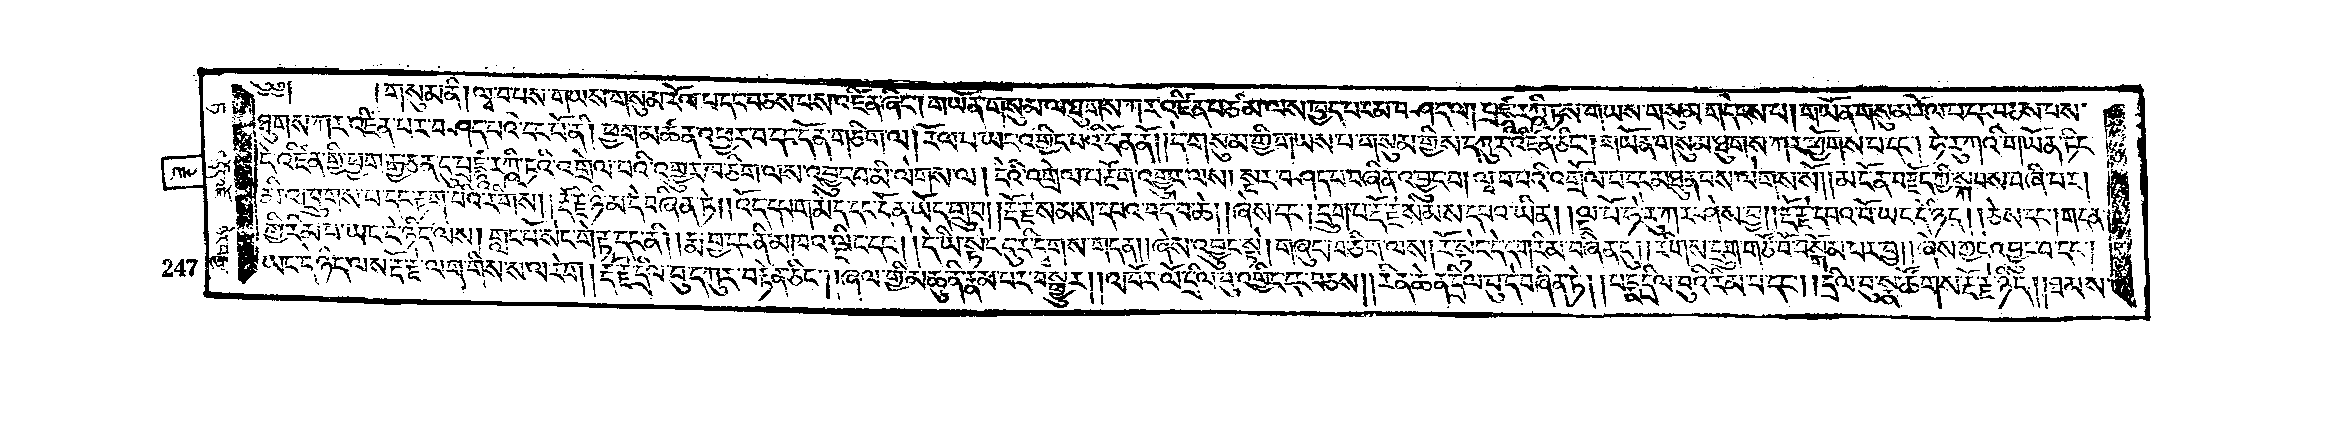༄༅། །གསུམ་ནི། ལྭ་བ་པས་གཡས་གསུམ་རོལ་པ་དང་བཅས་པས་འཛིན་ཞིང་། གཡོན་གསུམ་ལ་ཐུགས་ཀར་འཛིན་པ་ཙམ་ལས་ཁྱད་པར་མ་བཤད་ལ། པྲཛྙཱ་རཀྵི་ཏས་གཡས་གསུམ་གདེངས་པ། གཡོན་གསུམ་རོལ་པ་དང་བཅས་པས་
ཐུགས་ཀར་འཛིན་པར་བཤད་པའི་དང་པོ་ནི། ཕྱག་མཚན་འཕྱར་བ་དང་དོན་གཅིག་ལ། རོལ་པ་ཡང་འགྱིང་བའི་དོན་ནོ། །དེ་གསུམ་གྱི་གཡས་པ་གསུམ་གྱིས་དཀུར་འཛིན་ཅིང་། གཡོན་གསུམ་ཐུགས་ཀར་ཕྱོགས་པ་དང་། ཧེ་རུ་ཀའི་གཡོན་ཏིང་
ངེ་འཛིན་གྱི་ཕྱག་རྒྱ་ཅན་དུ་པྲཛྙཱ་རཀྵི་ཏའི་འགྲེལ་པའི་འགྱུར་ཁ་ཅིག་ལས་འབྱུང་བ་མི་ལེགས་ལ། དེའི་འགྲེལ་པ་རྡོག་འགྱུར་ལས། སྔར་བཤད་པ་བཞིན་འབྱུང་བ། ལྭ་བ་པའི་འགྲེལ་པ་དང་མཐུན་པས་ལེགས་སོ། །མངོན་བརྗོད་ཀྱི་སྐབས་བཞི་པར།
མི་འཁྲུགས་པ་དང་རྟག་པའི་རིགས། །རྡོ་རྗེ་ཉི་མ་དེ་བཞིན་ཏེ། །འོད་དཔག་མེད་དང་དོན་ཡོད་གྲུབ། །རྡོ་རྗེ་སེམས་དཔའ་བདེ་བ་ཆེ། །ཞེས་དང་། དྲུག་པ་རྡོ་རྗེ་སེམས་དཔའ་ཡིན། །ལྔ་པོ་ཧེ་རུ་ཀར་ཤེས་བྱ། །རྡོ་རྗེ་དཔའ་བོ་ཡང་དེ་ཉིད། །ཅེས་དང་། གདན་
གྱི་རིམ་པ་ཡང་དེ་ཉིད་ལས། གླང་པོ་སེང་གེ་རྟ་དང་ནི། །རྨ་བྱ་དང་ནི་མཁའ་ལྡིང་དང་། །དེ་ཡི་སྟེང་དུ་རི་དྭགས་གདན། །ཞེས་འབྱུང་སྟེ། གཞུང་ཁ་ཅིག་ལས། རོ་སྟེང་དེ་དག་རིམ་བཞིན་དུ། །རིགས་དྲུག་གཙོ་བོ་བསྒོམ་པར་བྱ། །ཞེས་ཀྱང་འབྱུང་བ་དང་།
ཡང་དེ་ཉིད་ལས་རྡོ་རྗེ་ལག་གིས་ས་ལ་རེག །རྡོ་རྗེ་དྲིལ་བུ་དཀུར་བརྟེན་ཅིང་། །ཞལ་གྱི་མཆུ་ནི་རྣམ་པར་བསྒྱུར། །འཁོར་ལོ་དྲིལ་བུ་འགྱིང་དང་བཅས། །རིན་ཆེན་དྲིལ་བུ་དེ་བཞིན་ཏེ། །པདམ་དྲིལ་བུའི་རིམ་པ་དང་། །དྲིལ་བུ་སྣ་ཚོགས་རྡོ་རྗེ་ཉིད། །ཐམས་